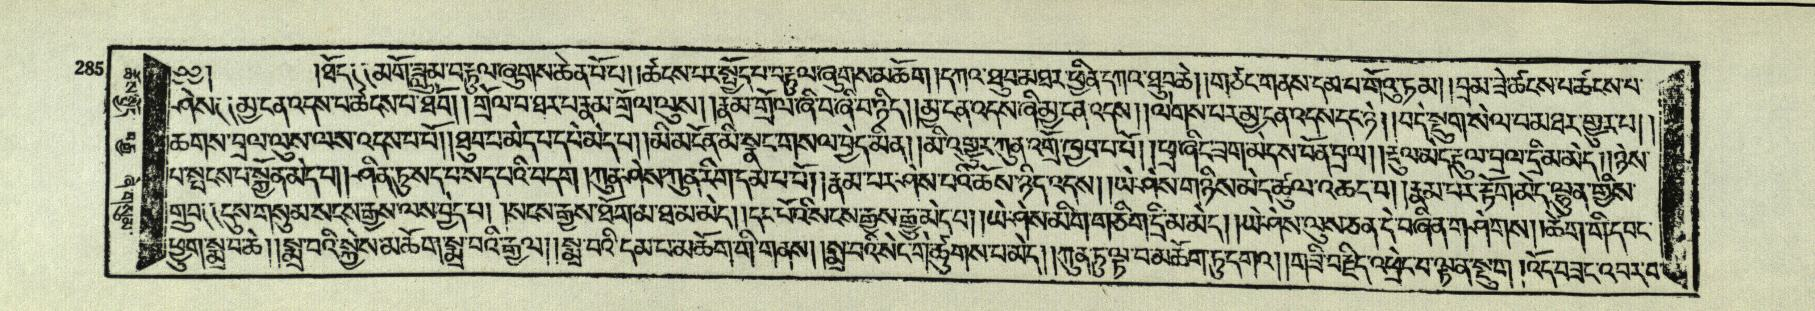༄༅། །ཐོད༑ ༑མགོ་ཟླུམ་བརྟུལ་ཞུགས་ཆེན་པོ་པ། །ཚངས་པར་སྤྱོད་པ་བརྟུལ་ཞུགས་མཆོག །དཀའ་ཐུབ་མཐར་ཕྱིན་དཀའ་ཐུབ་ཆེ། །གཙང་གནས་དམ་པ་གོའུ་ཏམ། །བྲམ་ཟེ་ཚངས་པ་ཚངས་པ་
ཤེས༑ ༑མྱ་ངན་འདས་པ་ཚངས་པ་ཐོབ། །གྲོལ་བ་ཐར་པ་རྣམ་གྲོལ་ལུས། །རྣམ་གྲོལ་ཞི་བ་ཞི་བ་ཉིད། །མྱ་ངན་འདས་ཞི་མྱ་ངན་འདས། །ལེགས་པར་མྱ་ངན་འདས་དང་ཉེ། །བདེ་སྡུག་སེལ་བ་མཐར་གྱུར་པ། །
ཆགས་བྲལ་ལུས་ལས་འདས་པ་པོ། །ཐུབ་པ་མེད་པ་དཔེ་མེད་པ། །མི་མངོན་མི་སྣང་གསལ་བྱེད་མིན། །མི་འགྱུར་ཀུན་འགྲོ་ཁྱབ་པ་པོ། །ཕྲ་ཞིང་ཟག་མེད་ས་བོན་བྲལ། །རྡུལ་མེད་རྡུལ་བྲལ་དྲི་མ་མེད། །ཉེས་
པ་སྤངས་པ་སྐྱོན་མེད་པ། །ཤིན་ཏུ་སད་པ་སད་པའི་བདག །ཀུན་ཤེས་ཀུན་རིག་དམ་པ་པོ། །རྣམ་པར་ཤེས་པའི་ཆོས་ཉིད་འདས། །ཡེ་ཤེས་གཉིས་མེད་ཚུལ་འཆང་བ། །རྣམ་པར་རྟོག་མེད་ལྷུན་གྱིས་
གྲུབ༑ ༑དུས་གསུམ་སངས་རྒྱས་ལས་བྱེད་པ། །སངས་རྒྱས་ཐོག་མ་ཐ་མ་མེད། །དང་པོའི་སངས་རྒྱས་རྒྱུ་མེད་པ། །ཡེ་ཤེས་མིག་གཅིག་དྲི་མ་མེད། །ཡེ་ཤེས་ལུས་ཅན་དེ་བཞིན་གཤེགས། །ཚེག་གི་དབང་
ཕྱུག་སྨྲ་བ་ཆེ། །སྨྲ་བའི་སྐྱེས་མཆོག་སྨྲ་བའི་རྒྱལ། །སྨྲ་བའི་དམ་པ་མཆོག་གི་གནས། །སྨྲ་བའི་སེང་གེ་ཚུགས་པ་མེད། །ཀུན་ཏུ་ལྟ་བ་མཆོག་ཏུ་དགའ། །གཟི་བརྗིད་འཕྲེང་བ་ལྟ་ན་སྡུག །འོད་བཟང་འབར་བ་